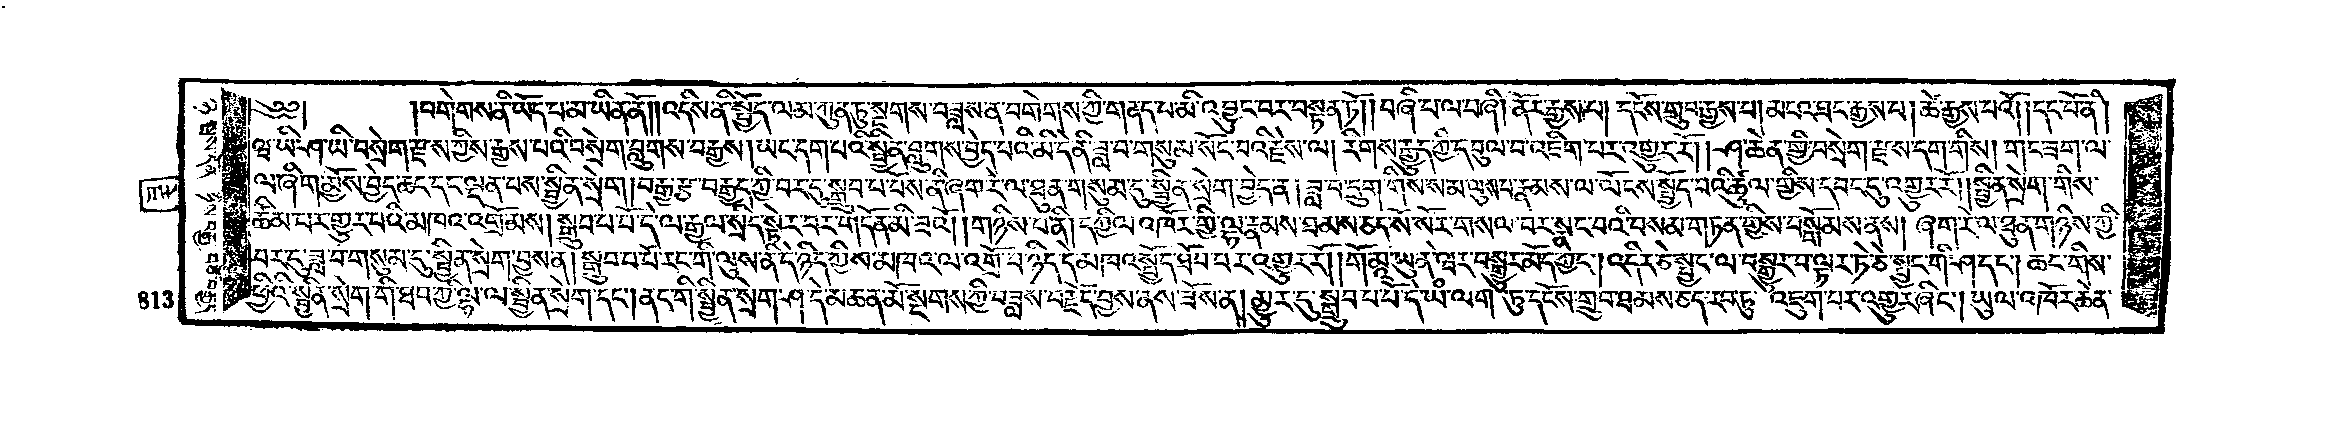༄༅། །བགེགས་ནི་ཡོད་པ་མ་ཡིན་ནོ། །འདིས་ནི་སྤྱོད་ལམ་ཀུན་ཏུ་སྔགས་བཟླས་ན་བགེགས་ཀྱི་གནད་པ་མི་འབྱུང་བར་བསྟན་ཏོ། །བཞི་པ་ལ་བཞི། ནོར་རྒྱས་པ། དངོས་གྲུབ་རྒྱས་པ། མངའ་ཐང་རྒྱས་པ། ཚེ་རྒྱས་པའོ། །དང་པོ་ནི།
ཝ་ཡི་ཤ་ཡི་བསྲེག་རྫས་ཀྱིས་རྒྱས་པའི་བསྲེག་བླུགས་བརྒྱས། ཡང་དག་པའི་སྦྱིན་བླུགས་བྱེད་པའི་མི་དེ་ནི་ཟླ་བ་གསུམ་སོང་བའི་རྗེས་ལ། རིགས་རྒྱུད་ཀྱི་དབུལ་བ་འཇིག་པར་འགྱུར་རོ། །ཤ་ཆེན་གྱི་བསྲེག་རྫས་དག་གིས། གང་ཟག་ལ་
ལ་ཞིག་མྱོས་བྱེད་ཆང་དང་ལྡན་པས་སྦྱིན་སྲེག །བརྒྱ་རྩ་བརྒྱད་ཀྱི་བར་དུ་སྒྲུབ་པ་པོས་ནི་ཞག་རེ་ལ་ཐུན་གསུམ་དུ་སྦྱིན་སྲེག་བྱེད་ན། ཟླ་བ་དྲུག་གིས་ས་མ་ལུས་པ་རྣམས་ལ་ལོངས་སྤྱོད་པའི་ཚུལ་གྱིས་དབང་དུ་འགྱུར་རོ། །སྦྱིན་སྲེག་གིས་
ཚིམ་པར་གྱུར་པའི་མཁའ་འགྲོ་མས། སྒྲུབ་པ་པོ་དེ་ལ་རྒྱལ་སྲིད་སྟེར་བར་གདོན་མི་ཟའོ། །གཉིས་པ་ནི། དཀྱིལ་འཁོར་གྱི་ལྷ་རྣམས་ཐམས་ཅད་སོ་སོར་གསལ་བར་སྣང་བའི་བསམ་གཏན་གྱིས་བསྒོམས་ནས། ཞག་རེ་ལ་ཐུན་གཉིས་ཀྱི་
བར་དུ་ཟླ་བ་གསུམ་དུ་སྦྱིན་སྲེག་བྱས་ན། སྒྲུབ་པ་པོ་རང་གི་ལུས་ནི་དེ་ཉིད་ཀྱིས་མཁའ་ལ་འགྲོ་བ་ཉིད་དེ་མཁའ་སྤྱོད་ཐོབ་པར་འགྱུར་རོ། །གོ་མཱ་ཡུ་ནེ་ཝར་བསྒྱུར་མོད་ཀྱང་། འདིར་ཅེ་སྤྱང་ལ་བསྒྱུར་བ་ལྟར་ཏེ་ཅེ་སྤྱང་གི་ཤ་དང་། ཆང་གིས་
ཕྱིའི་སྦྱིན་སྲེག་གི་ཐབ་ཀྱི་ལྷ་ལ་སྦྱིན་སྲེག་དང་། ནང་གི་སྦྱིན་སྲེག་ཤ་དེ་མཆན་མོ་སྔགས་ཀྱི་བཟླས་བརྗོད་བྱས་ནས་ཟོས་ན། མྱུར་དུ་སྒྲུབ་པ་པོ་དེ་ཡཾ་ལག་ཏུ་དངོས་གྲུབ་ཐམས་ཅད་རབ་ཏུ་འཇུག་པར་འགྱུར་ཞིང་། ཡུལ་འཁོར་ཆེན་